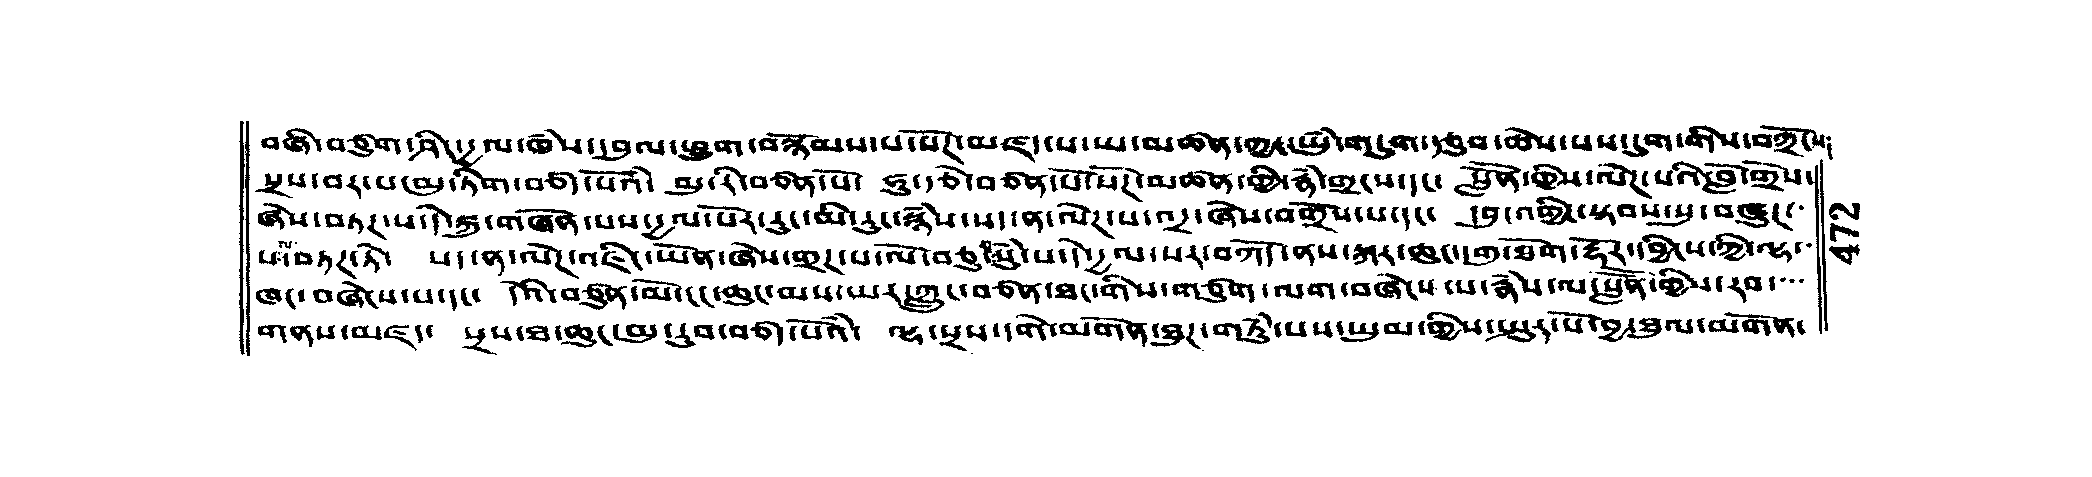བཞི་བཙུགས་ཤིང་རྒྱལ་ཁམས་དབུལ་ཕྱུག་བསྙོམས་པ་སོགས་མཛད་པ་ཡ་མཚན་ཀྱང་ཡུམ་གདུག་རྩུབ་ཆེས་པས་དུག་གིས་བཀྲོངས། 
སྲས་བར་པ་མུ་ཏིག་བཙད་པོའམ། མུ་ཁྲི་བཙན་པོ། ཧུ་རྩེ་བཙན་པོ་སོགས་མཚན་གྱི་རྣམ་གྲངས་དང་། སློབ་དཔོན་གྱིས་ལེགས་པའི་བློ་གྲོས་
ཞེས་བཏགས་པ་དེ་སྐུ་གཞོན་པས་རྒྱལ་པོར་རུང་མི་རུང་མོད། ཉམས་སད་ན་ལེགས་པ་འདྲ་ཞེས་བགྲོས་པ་དང་། དབུ་འགྱིང་སྟབས་སུ་བཞུགས་
པ་ལ་བཏགས་ཏེ། སད་ན་ལེགས་འཇིང་ཡོན་ཞེས་གྲགས་པ་ལོ་བཅུ་གསུམ་པ་དེ་རྒྱལ་སར་བཀོད་ནས་སྐར་ཆུང་དགུ་ཐོག་རྡོར་དབྱིངས་ཀྱི་ལྷ་
ཁང་བཞེངས་པ་དང་། དེའི་བཙུན་མོ་ངང་ཚུལ་མས་ཡར་ཀླུང་བཙན་ཐང་གིས་གཙུག་ལག་ཁང་བཞེངས་པ་རྣམས་ལ་སློབ་དཔོན་གྱིས་རབ་
གནས་མཛད། སྲས་ཐ་ཆུང་མུ་རུབ་བཙད་པོའམ། ལྷ་སྲས་དགེ་མགོན་ཐུགས་གཏུམ་པས་ཡུམ་གྱིས་སྤུར་པོ་བྱ་ཐུལ་མགོན་